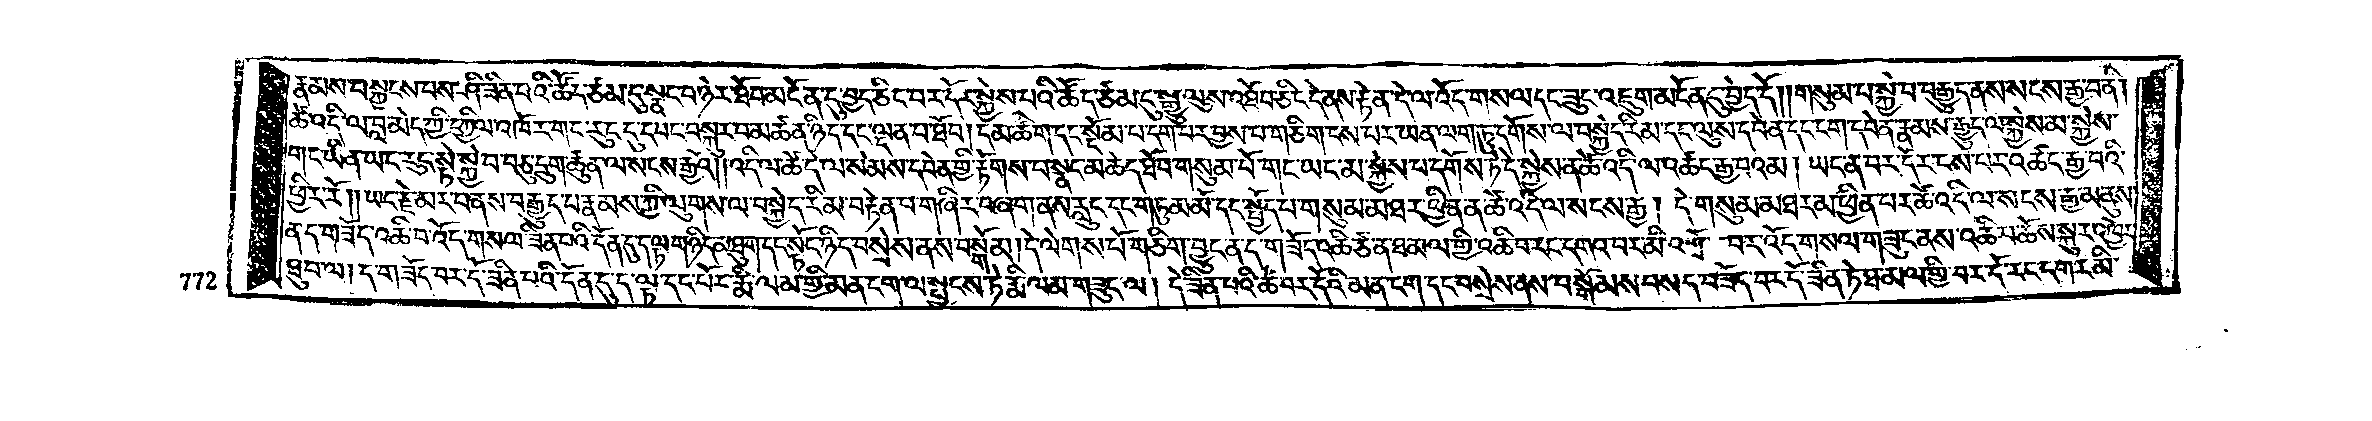རྣམས་བསྐྱངས་པས་ཤི་ཟིན་པའི་ཚོད་ཙམ་དུ་སྣང་བ་ཉེར་ཐོབ་མངོན་དུ་བྱད་ཅིང་བར་དོར་སྐྱེས་པའི་ཚོད་ཙམ་དུ་སྒྱུར་ལུས་འཐོབ་ཅིང་དེ་ནས་རྟེན་དེ་ལ་འོད་གསལ་དང་ཟུང་འཇུག་མངོན་དུ་བྱེད་དོ། །གསུམ་པ་སྐྱེ་བ་བརྒྱུད་ནས་སངས་རྒྱ་བ་ནི།
ཚེ་འདི་ལ་བླ་མེད་ཀྱི་དཀྱིལ་འཁོར་གང་རུང་དུ་དབང་བསྐུར་བ་མཚན་ཉིད་དང་ལྡན་པ་ཐོབ། དམ་ཚིག་དང་སྡོམ་པ་དག་པར་བྱས་པ་གཅིག་ངས་པར་ཡན་ལག་ཏུ་དགོས་ལ་བསྐྱེད་རིམ་དང་ལུས་དབེན་དང་ངག་དབེན་རྣམས་རྒྱུད་ལ་སྐྱེས་མ་སྐྱེས་
གང་ཡིན་ཡང་རུང་སྟེ་སྐྱེ་བ་བཅུ་དྲུག་ཚུན་ལ་སངས་རྒྱའོ། །འདི་ལ་ཚེ་དེ་ལ་སེམས་དབེན་གྱི་རྟོགས་པ་སྣང་མཆེད་ཐོབ་གསུམ་པོ་གང་ཡང་མ་སྐྱེས་པ་དགོས་ཏེ་དེ་སྐྱེས་ན་ཚེ་འདི་ལ་འཚང་རྒྱ་བའམ། ཡང་ན་བར་དོར་ངས་པར་འཚང་རྒྱ་བའི་
ཕྱིར་རོ། །ཡང་རྗེ་མར་བ་ནས་བརྒྱུད་པ་རྣམས་ཀྱི་ལུགས་ལ་བསྐྱེད་རིམ་བརྟེན་པ་གཞིར་བཞག་ནས་རླུང་དང་གཏུམ་མོ་དང་སྤྱོད་པ་གསུམ་མཐར་ཕྱིན་ན་ཚེ་འདི་ལ་སངས་རྒྱ། དེ་གསུམ་མཐར་མ་ཕྱིན་པར་ཚེ་འདི་ལ་སངས་རྒྱས་ནུས་
ན་ད་གཟོད་འཆི་བ་འོད་གསལ་ཟིན་པའི་དོན་དུ་ད་ལྟ་གཉིད་མ?་ཐུག་དང་སྟོང་ཉིད་བསྲེས་ནས་བསྒོམ། དེ་ལེགས་པོ་གཅིག་བྱུང་ན་ད་གཟོད་འཆི་ཙ་ན་ཐ་མལ་གྱི་འཆི་བ་རང་དགའ་བར་མི་འགྲོ་བར་འོད་གསལ་གཟུང་ནས་འཆི་བ་ཆོས་སྐུར་འཁྱེར་
ཐུབ་ལ། ད་གཟོད་བར་དོ་ཟིན་པའི་དོན་དུ་ད་ལྟ་དང་པོར་རྨི་ལམ་གྱི་མན་ངག་ལ་སྦྱངས་ཏེ་རྨི་ལམ་གཟུང་ལ། དེ་ཟིན་པའི་ཚེ་བར་དོའི་མན་ངག་དང་བསྲེས་ནས་བསྒོམས་པས་ད་བཟོད་པར་དོ་ཟིན་ཏེ་ཐ་མ་ལ་གྱི་བར་དོ་རང་དགར་མི་